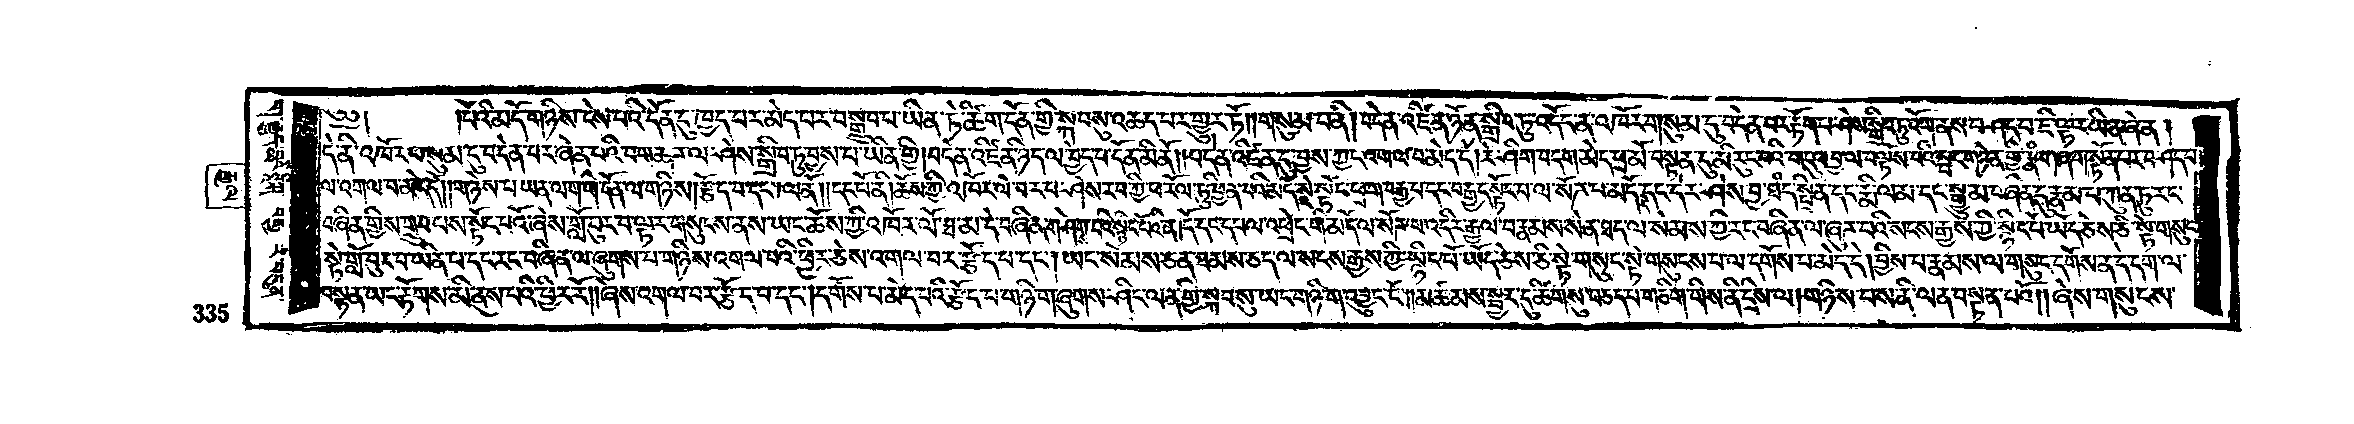༄༅། །པོའི་མདོ་གཉིས་ངེས་པའི་དོན་དུ་ཁྱད་པར་མེད་པར་བསྒྲུབ་པ་ཡིན་ཏེ་ཚིག་དོན་གྱི་སྐབས་སུ་འཆད་པར་གྱུར་ཏོ། །གསུམ་པ་ནི། བདེན་འཛིན་ཉོན་སྒྲིབ་ཏུ་འདོད་ན་འཁོར་གསུམ་དུ་བདེན་པར་རྟོག་པ་ཤེས་སྒྲིབ་ཏུ་འོག་ནས་བཤད་པ་ཇི་ལྟར་ཡིན་ཞེ་ན།
དེ་ནི་འཁོར་བ་གསུམ་དུ་བདེན་པར་ཞེན་པའི་བག་ཆགས་ལ་ཤེས་སྒྲིབ་ཏུ་བྱས་པ་ཡིན་གྱི་།བདེན་འཛིན་ཉིད་ལ་བྱེད་པ་དོན་མིན་ནོ། །བདེན་འཛིན་དུ་བྱས་ཀྱང་འགལ་བ་མེད་དོ། རེ་ཤིག་བདག་མེད་ཕྲ་མོ་བསྟན་དུ་མི་རུང་བའི་གདུལ་བྱ་ལ་བལྟོས་པའི་སྤང་གཉེན་གྱི་རྣམ་གཞག་སྟོན་པར་བཤད་པ་
ལ་འགལ་བ་མེད་དོ། །གཉིས་པ་ཡན་ལག་གི་དོན་ལ་གཉིས། རྩོད་པ་དང་། ལན་ནོ། །དང་པོ་ནི། ཆོས་ཀྱི་འཁོར་ལོ་བར་པ་ཤེས་རབ་ཀྱི་ཕ་རོལ་ཏུ་ཕྱིན་པའི་མདོ་སྡེ་སྟོང་ཕྲག་བརྒྱ་པ་དང་བརྒྱད་སྟོང་པ་ལ་སོགས་པ་མདོ་དེ་དང་དེར་ཤེས་བྱ་ཐམས་ཅད་སྤྲིན་དང་རྨི་ལམ་དང་སྒྱུ་མ་བཞིན་དུ་རྣམ་པ་ཀུན་ཏུ་རང་
བཞིན་གྱིས་གྲུབ་པས་སྟོང་པའོ་ཞེས་གློ་བུར་བ་ལྟར་གསུངས་ནས་ཡང་ཆོས་ཀྱི་འཁོར་ལོ་ཐ་མ་དེ་བཞིན་གཤེགས་པའི་སྙིང་པོའི་ན། དོ་དང་དཔལ་འཕྲེང་གི་མདོ་ལ་སོགས་པ་འདིར་རྒྱལ་བ་རྣམས་སེན་ཐད་ལ་སེམས་ཀྱི་རང་བཞིན་ལ་ཞུགས་པའི་སངས་རྒྱས་ཀྱི་སྙིང་པོ་ཡོད་ཅེས་ཅི་སྟེ་གསུང་
སྟེ་གློ་བུར་བ་ཡིན་པ་དང་རང་བཞིན་ལ་ཞུགས་པའི་གཉིས་འགལ་བའི་ཕྱིར་ཅེས་འགལ་བར་རྩོད་པ་དང་། ཡང་སེམས་ཅན་ཐམས་ཅད་ལ་སངས་རྒྱས་ཀྱི་སྙིང་པོ་ཡོད་ཅེས་ཅི་སྟེ་གསུང་སྟེ་གསུངས་པ་ལ་དགོས་པ་མེད་དེ། བྱིས་པ་རྣམས་ལ་གསུང་དགོས་ན་དེ་དག་ལ་
བསྟན་ཡང་རྟོགས་མི་ནུས་པའི་ཕྱིར་རོ། །ཞེས་འགལ་བར་རྩོད་པ་དང་། དགོས་པ་མེད་པའི་རྩོད་པ་གཉི་ག་ཞུགས་ཤིང་ལན་གྱི་སྐབས་སུ་ཡང་གཉི་ག་འབྱུང་ངོ། །མཚམས་སྦྱར་དུ་ཚིགས་སུ་བཅད་པ་གཅིག་གིས་ནི་དྲིས་ལ། གཉིས་པས་ནི་ལན་བསྟན་པའོ། །ཞེས་གསུངས་